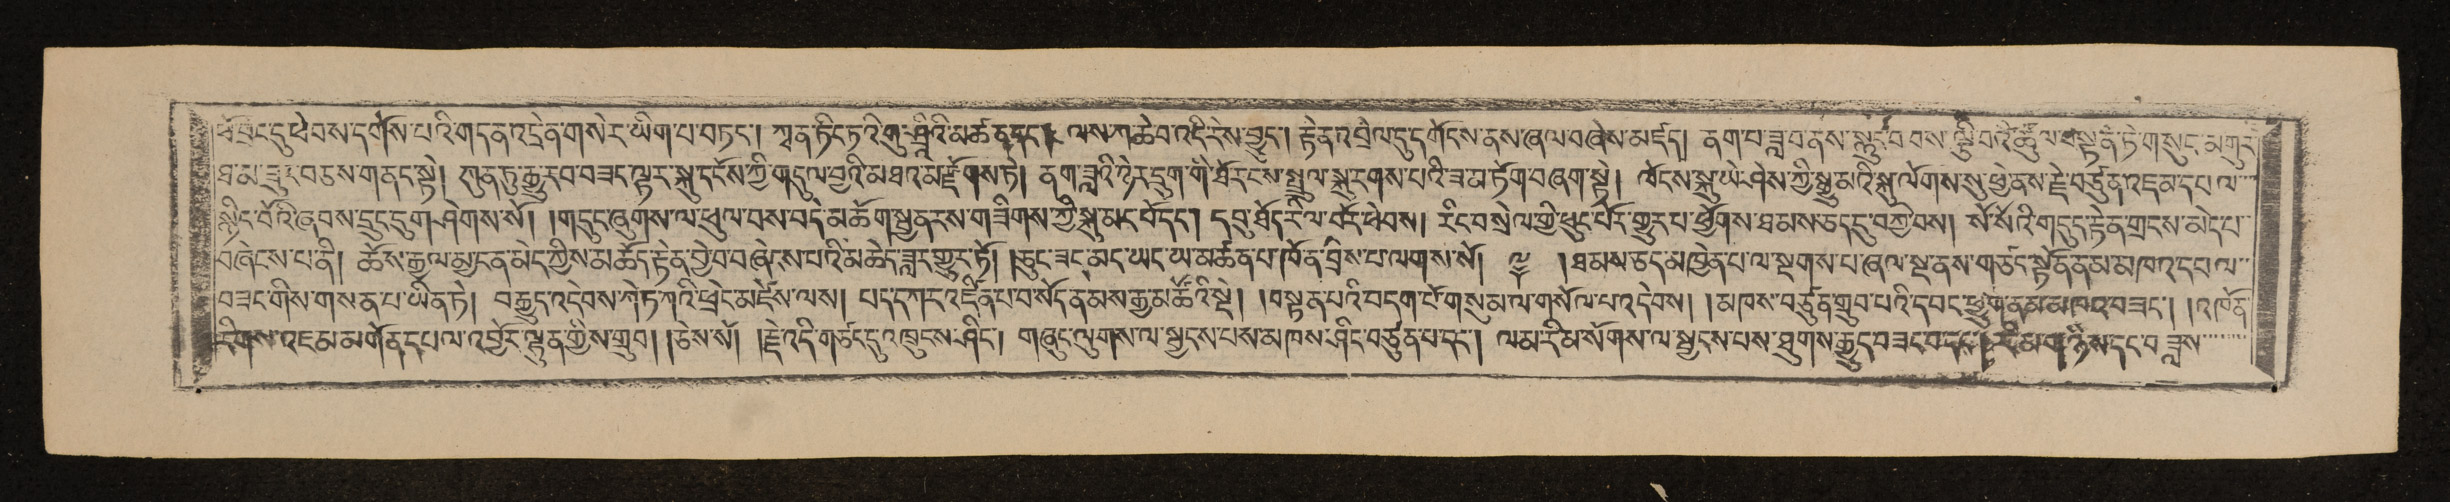ཕོ་བྲང་དུ་ཕེབས་དགོས་པའི་གདན་འདྲེན་གསེར་ཡིག་པ་བཏང་། ཀྭན་ཏིང་ཏའི་གུ་ཤྲཱིའི་མཚན་དང་། ལས་ཀ་ཆེ་བ་འདི་རེས་བྱུང་། རྟེན་འབྲེལ་དུ་དགོངས་ནས་ཞལ་བཞེས་མཛད། ནག་པ་ཟླ་བ་ནས་སྙུང་བབས་ལྕི་བའི་ཚུལ་བསྟན་ཏེ་གསུང་མགུང་
ཐ་མ་ཟུང་བཅས་གནང་སྟེ། ཀུན་ཏུ་རྒྱུ་རབ་བཟང་ལྟར་སྐུ་དངོས་ཀྱི་གདུལ་བྱའི་མཐའ་མ་རྫོགས་ཏེ། ནག་ཟླའི་ཉེར་དྲུག་གི་ཐོ་རངས་སྤྲུལ་སྐུ་རགས་པའི་ཟ་མ་ཏོག་བཞག་སྟེ། ལོངས་སྐུ་ཡེ་ཤེས་ཀྱི་སྒྱུ་མའི་སྐུ་ལོགས་སུ་ཕྱེ་ནས་རྗེ་བཙུན་འཇམ་དཔལ་
སྙིང་པོའི་ཞབས་དྲུང་དུ་གཤེགས་སོ། །གདུང་ཞུགས་ལ་ཕུལ་བས་བདེ་མཆོག་སྤྱན་རས་གཟིགས་ཀྱི་སྐུ་མང་པོ་དང་། དབུ་ཐོད་རིལ་པོར་ཕེབས། རིང་བསྲེལ་གྱི་ཕུང་པོར་གྱུར་པ་ཕྱོགས་ཐམས་ཅད་དུ་??་བས། སོ་སོའི་གདུང་རྟེན་གྲངས་མེད་པ་
བཞེངས་པ་ནི། ཆོས་རྒྱལ་མྱ་ངན་མེད་ཀྱིས་མཆོད་རྟེན་བྱེ་བ་བཞེངས་པའི་མཆེད་ཟླར་གྱུར་ཏོ། །ཅུང་ཟད་མང་ཡང་ཡ་མཚན་པ་ཁོ་ན་བྲིས་པ་ལགས་སོ། ༈ །ཐམས་ཅད་མཁྱེན་པ་ལ་སྔགས་པ་ཞལ་སྔ་ནས་གཙང་སྟོན་ནམ་མཁའ་དཔལ་
བཟང་གིས་གསན་པ་ཡིན་ཏེ། བརྒྱུད་འདེབས་ཀེཏ་ཀའི་ཕྲེང་མཛེས་ལས། པད་དཀར་འཛིན་པ་བསོད་ནམས་རྒྱ་མཚོའི་སྡེ། །བསྟན་པའི་བདག་པོ་གསུམ་ལ་གསོལ་བ་འདེབས། །མཁས་བཙུན་གྲུབ་པའི་དབང་ཕྱུག་ནམ་མཁའ་བཟང་། །འཁོན་
རིགས་འཇམ་མགོན་དཔལ་འབྱོར་ལྷུན་གྱིས་གྲུབ། །ཅེས་སོ། །རྗེ་འདི་གཙང་དུ་འཁྲུངས་ཤིང་། གཞུང་ལུགས་ལ་སྦྱངས་པས་མཁས་ཤིང་བཙུན་པ་དང་། ལམ་རིམ་སོགས་ལ་སྦྱངས་པས་ཐུགས་རྒྱུད་བཟང་བ་དང་། རིམ་གཉིས་དང་བཟླས་